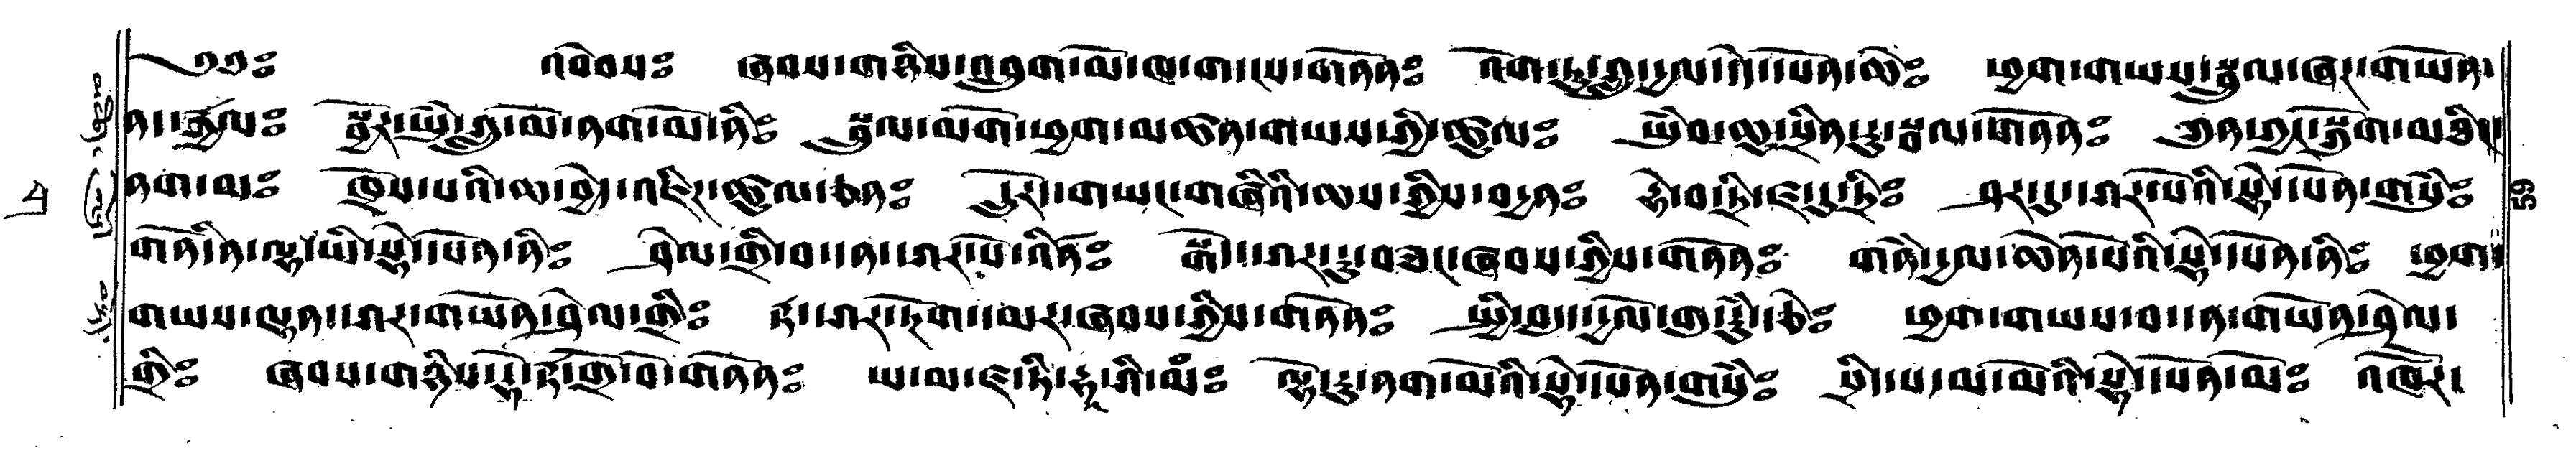འབེབས༔ ཞབས་གཉིས་འབྲུག་མོ་ཁ་གདངས་གནོནཿ འོག་ཏུ་ཀླུ་རྒྱལ་དེད་དཔོན་ཆེཿ ཕྱག་གཡས་སྦྲུལ་ཞགས་གཡོན་
ནད་རྐྱལཿ སྦྱོར་ཡུམ་ཀླུ་མོ་ནག་མོ་ནིཿ སྦྲུལ་མགོ་ཕྱག་མཚན་གཡས་ཀྱི་ཚུལཿ ཡབ་ཡུམ་ཆུ་སྲིན་རུས་སྦལ་གནོནཿ ཀུན་ཀྱང་སྐུ་མདོག་མཐིང་
ནག་མཿ ཁྲོས་པའི་ཆ་བྱད་འཇིགས་ཚུལ་ཅནཿ དུར་ཁྲོད་གཡང་གཞིའི་ཆས་ཀྱིས་བརྒྱནཿ དྷེ་བ་ཏྲི་ཛ་དུ་ཏྲིཿ ཤར་དུ་དཀར་པོའི་སྡེ་དཔོན་གསུམཿ 
གནོད་སྦྱིན་ལྷ་ཡི་སྡེ་དཔོན་ནིཿ ཤེལ་གྲི་བ་དན་དཀར་པོ་འཛིནཿ རྒོད་དཀར་རུ་བཟང་ཞབས་ཀྱིས་གནོནཿ གནམ་རྒྱལ་ཆེན་པོའི་སྡེ་དཔོན་ནིཿ ཕྱག་
གཡས་ལྡན་དཀར་གཡོན་ཤེལ་གྲིཿ རྟ་དཀར་རྔོག་དམར་ཞབས་ཀྱིས་གནོནཿ སྤྱི་བདུད་རྒྱལ་པོ་གུ་རུམ་ཅེཿ ཕྱག་གཡས་བ་དན་གཡོན་ཤེལ་
གྲིཿ ཞབས་གཉིས་རྡོ་རྟ་གྲོ་བོ་གནོནཿ ཡ་མ་ཛ་ཏི་དྷཱ་ཀི་མཾཿ ལྷོ་རུ་ནག་མོའི་སྡེ་དཔོན་གསུམཿ སྲིད་པ་མ་མོའི་སྡེ་དཔོན་མོཿ འཁོར་ལོ་